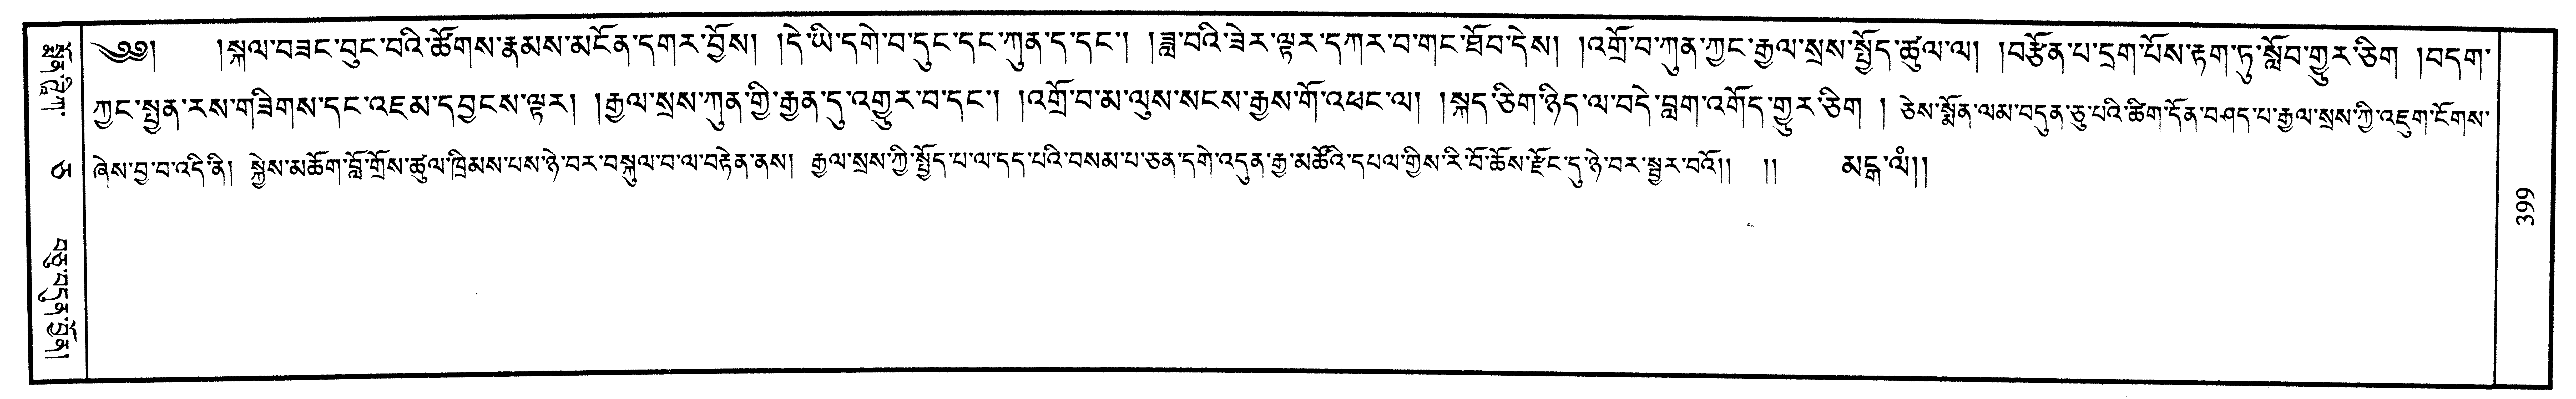༄༅། །སྐལ་བཟང་བུང་བའི་ཚོགས་རྣམས་མངོན་དགར་བྱོས། །དེ་ཡི་དགེ་བ་དུང་དང་ཀུན་ད་དང་། །ཟླ་བའི་ཟེར་ལྟར་དཀར་བ་གང་ཐོབ་དེས། །འགྲོ་བ་ཀུན་ཀྱང་རྒྱལ་སྲས་སྤྱོད་ཚུལ་ལ། །བརྩོན་པ་དྲག་པོས་རྟག་ཏུ་སློབ་གྱུར་ཅིག །བདག་
ཀྱང་སྤྱན་རས་གཟིགས་དང་འཇམ་དབྱངས་ལྟར། །རྒྱལ་སྲས་ཀུན་གྱི་རྒྱན་དུ་འགྱུར་བ་དང་། །འགྲོ་བ་མ་ལུས་སངས་རྒྱས་གོ་འཕང་ལ། །སྐད་ཅིག་ཉིད་ལ་བདེ་བླག་འགོད་གྱུར་ཅིག །ཅེས་སྨོན་ལམ་བདུན་ཅུ་པའི་ཚིག་དོན་བཤད་པ་རྒྱལ་སྲས་ཀྱི་འཇུག་ངོགས་
ཞེས་བྱ་བ་འདི་ནི། སྐྱེས་མཆོག་བློ་གྲོས་ཚུལ་ཁྲིམས་པས་ཉེ་བར་བསྐུལ་བ་ལ་བརྟེན་ནས། རྒྱལ་སྲས་ཀྱི་སྤྱོད་པ་ལ་དད་པའི་བསམ་པ་ཅན་དགེ་འདུན་རྒྱ་མཚོའི་དཔལ་གྱིས་རི་བོ་ཆོས་རྫོང་དུ་ཉེ་བར་སྦྱར་བའོ།། །།མངྒ་ལཾ།།